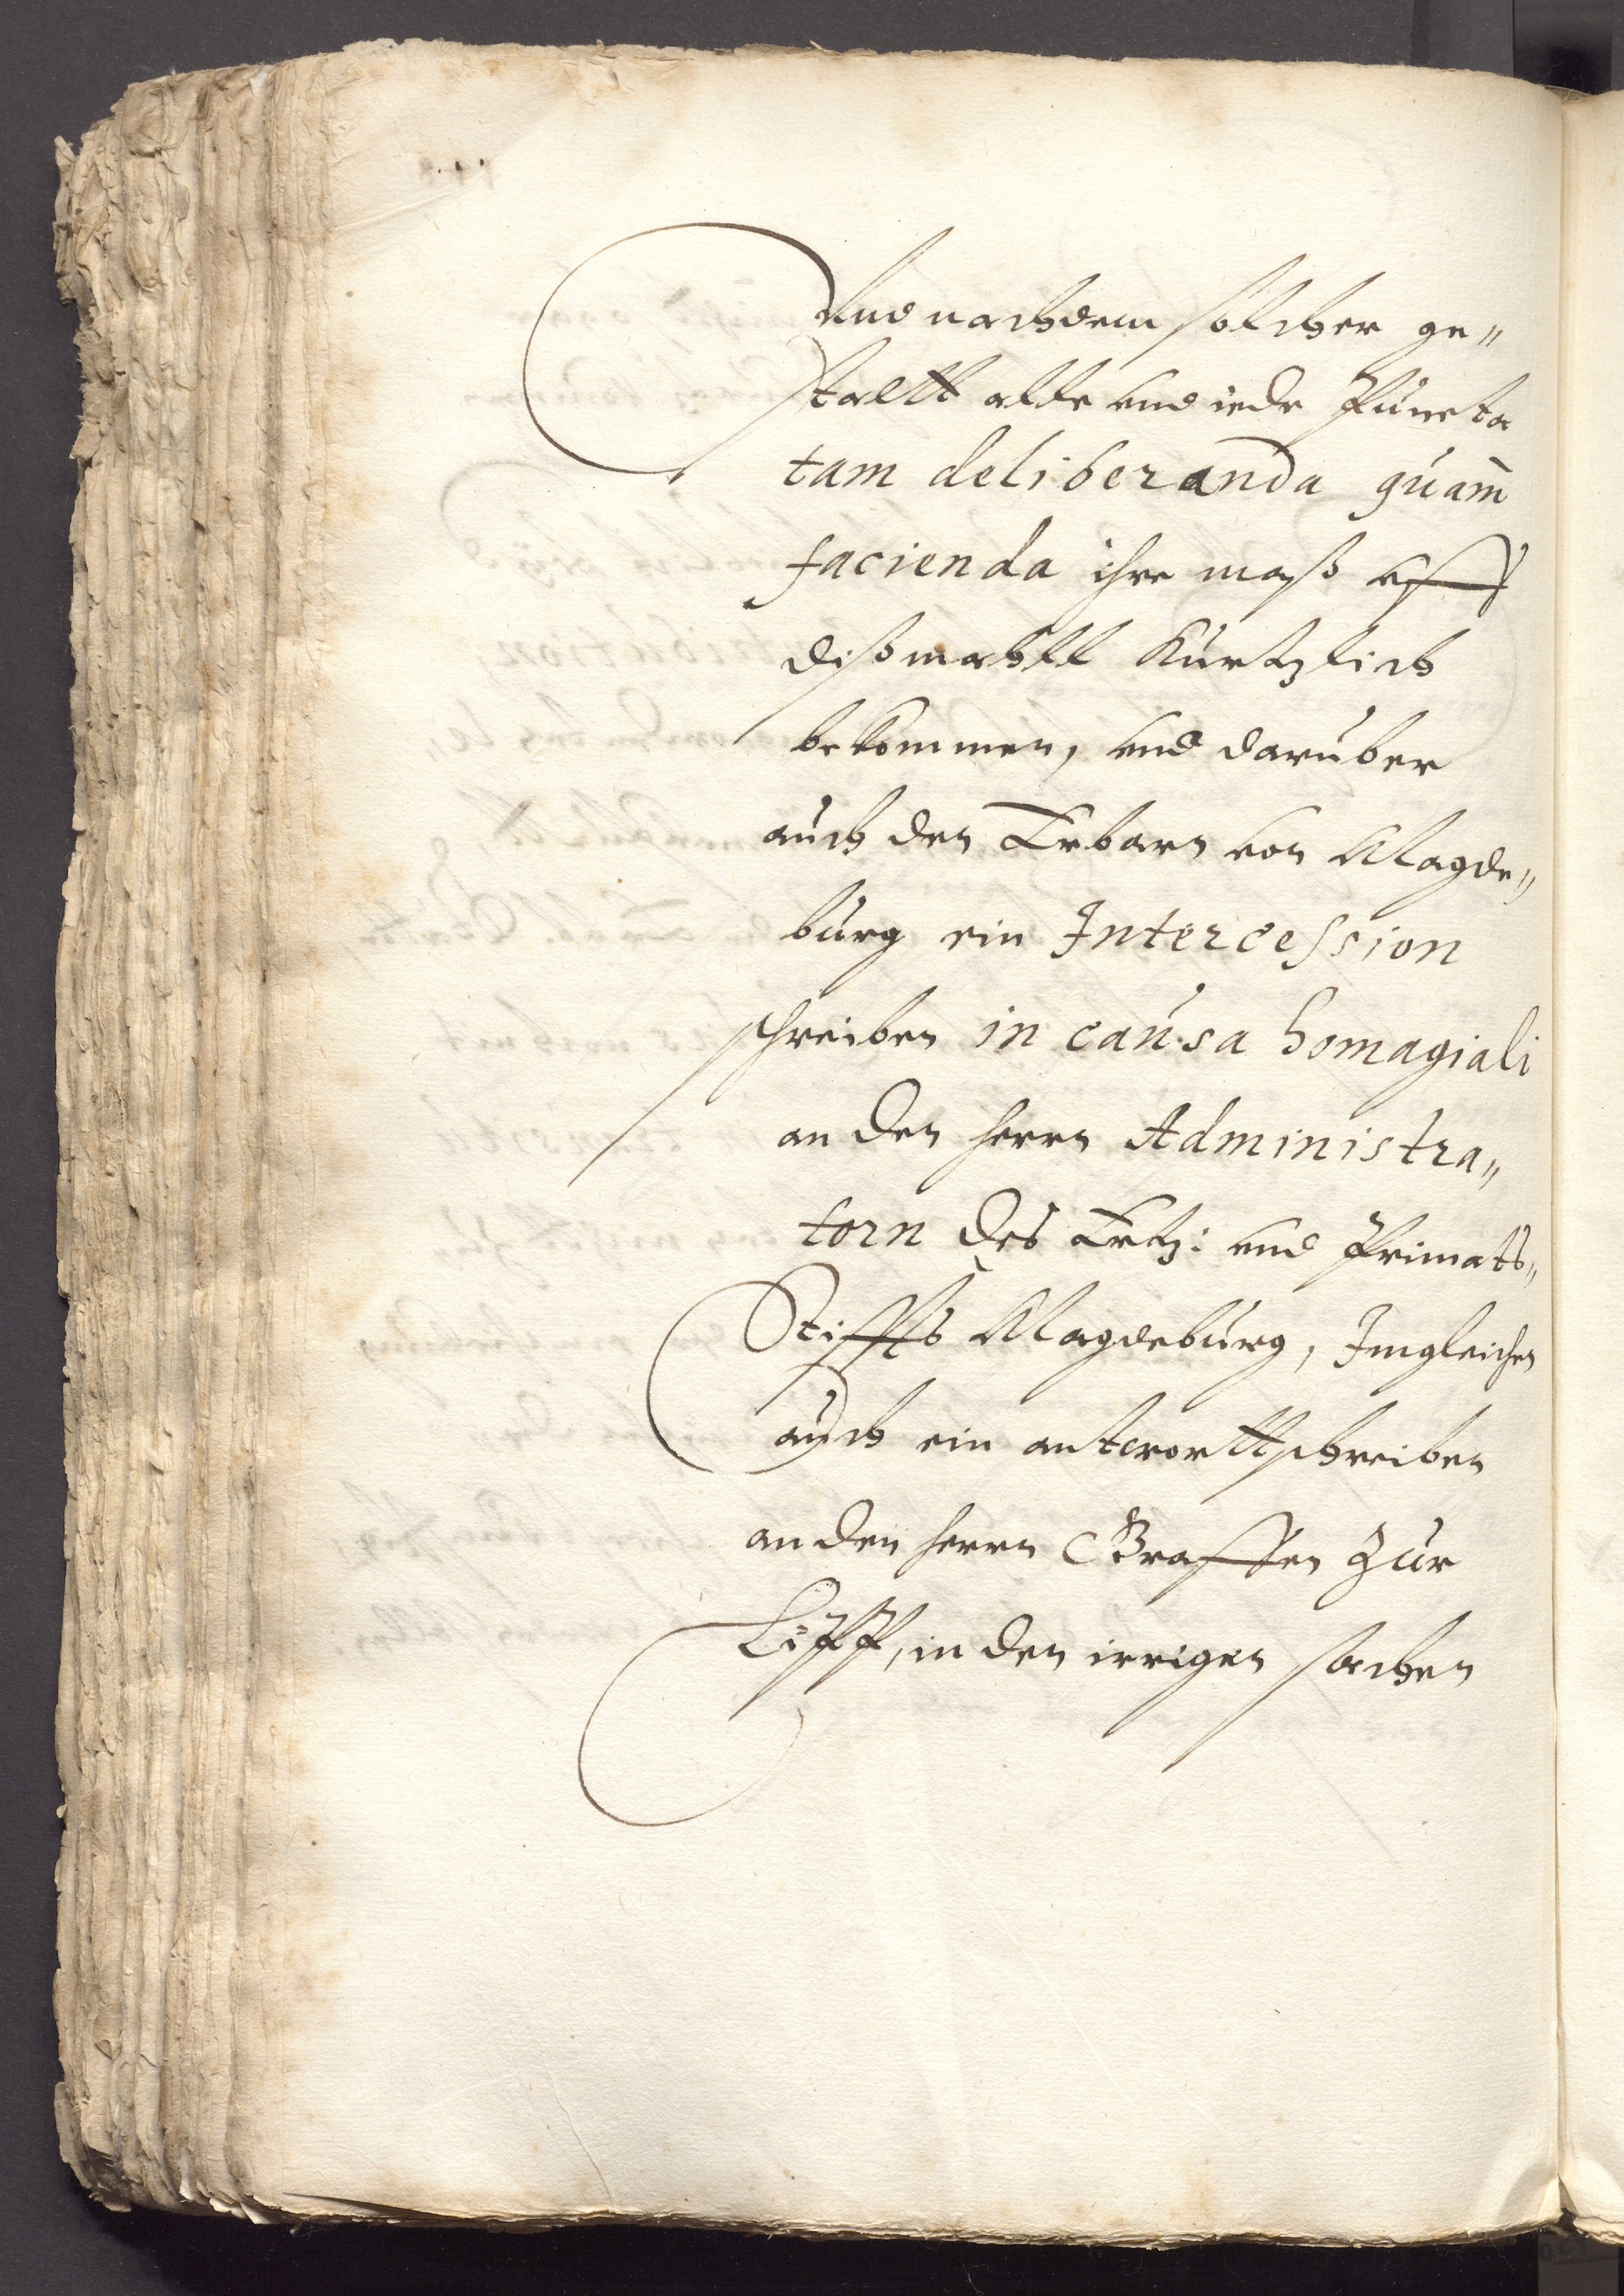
Und nachdem solcher ge¬
staltt alle vnd iede Puncta
tam deliberanda quam
facienda ihre maß vff
dißmahll kurtzlich
bekommen, vnd daruber
auch den Erbarn von Magde¬
burg ein Intercession
schreiben in causa homagiali
an den herrn Administra¬
torn des Ertz: vnd Primats¬
Stiffts Magdeburg, Imgleichen
auch ein antworttschreiben
an den herrn Graffen zur
Lipp, in den irrigen sachen
